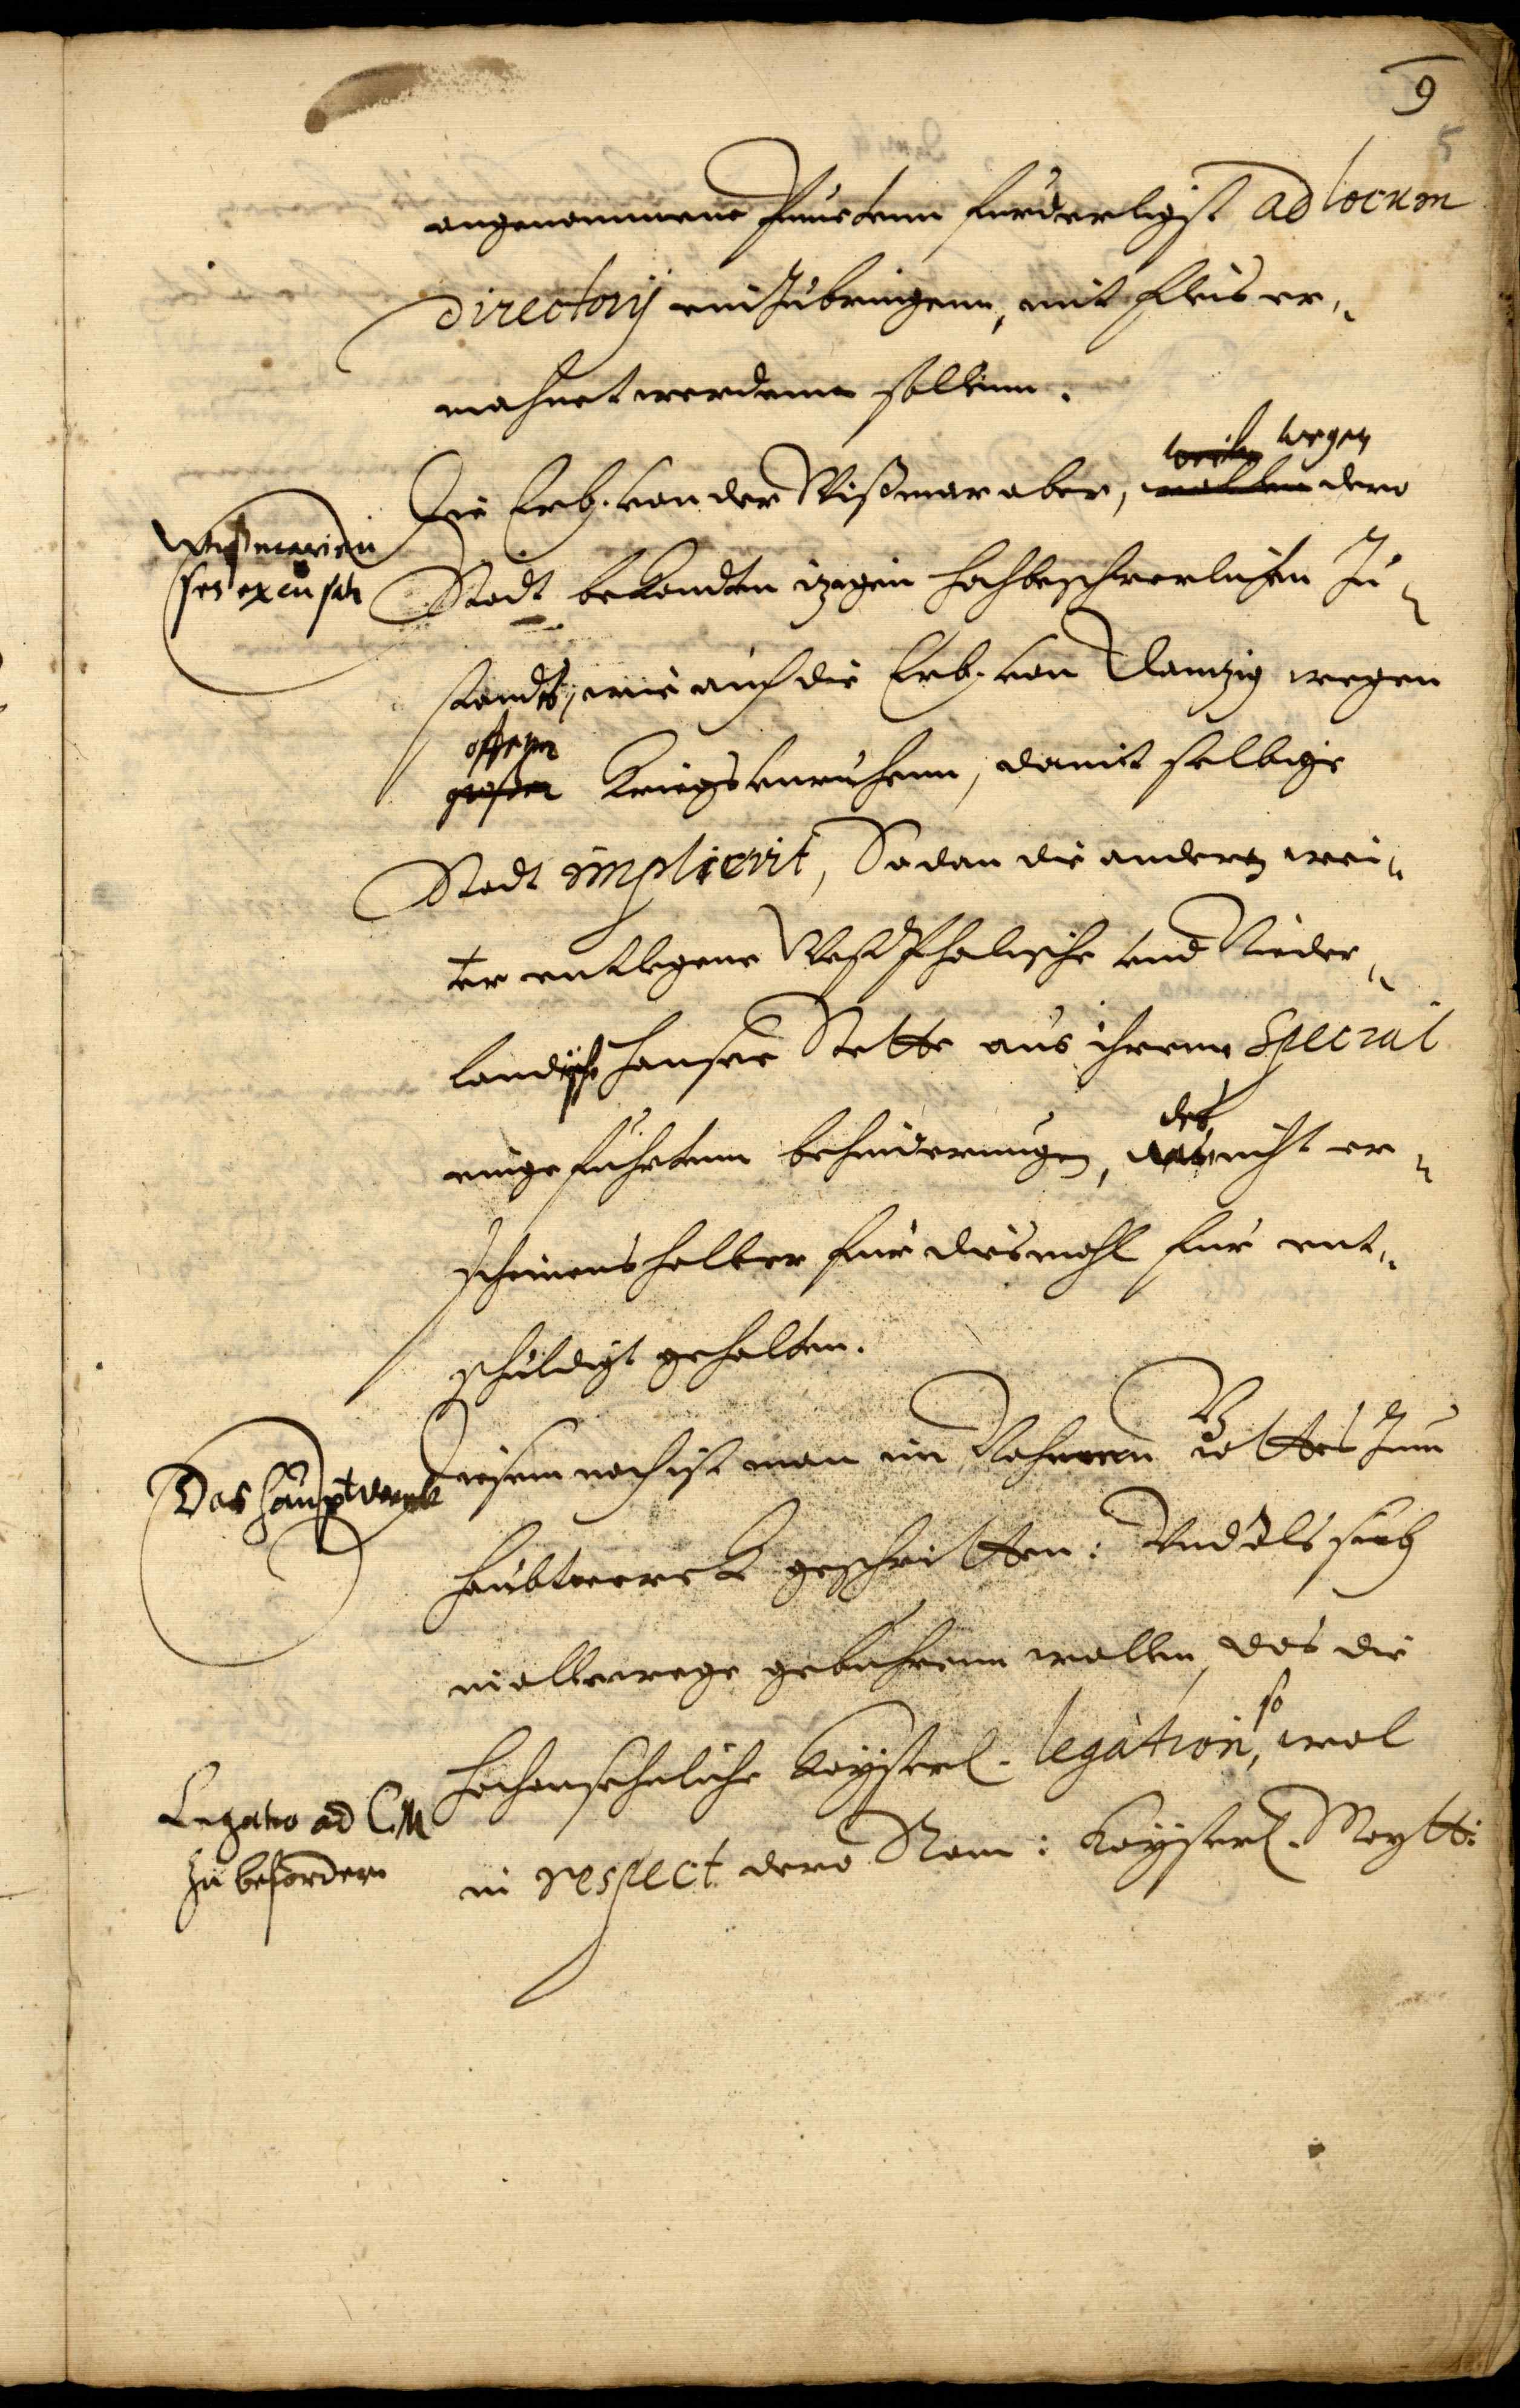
9
angenommene Punctenn furderligst ad locum
directorij einzubringenn, mit fleis er¬
mahnet werdenn sollenn.
Wißmarien
ses excusati
weilen wegen
Die Erb. von der Wißmar aber, wellen dero
Stadt bekandten itzigen hochbeschwerlichen zu¬
standts, wie auch die Erb. von Dantzig wegen
offenn
großen Kriegs vnruhenn, damit selbige
Stedt implicirt, Sodan die andern wei¬
ter entlegene Westphalische vnd Nieder¬
landijsche hansee Stette aus ihrem Special
des
eingefuhrtenn behinderungen, was nicht er¬
scheinens halber fur diesmahl fur ent¬
schuldigt gehalten.
Das hauptwerk
Legatio ad CM
zu befordern
Diesem nach ist man im Nahmen Gottes zum
haubtwerck geschritten: Vnd Als sie so
in allewege gebuhrenn wollen, das die
hochansehnliche Kaijserl. legation, so wol
in respect dero Rom: Kaijserl. Maijtt:
